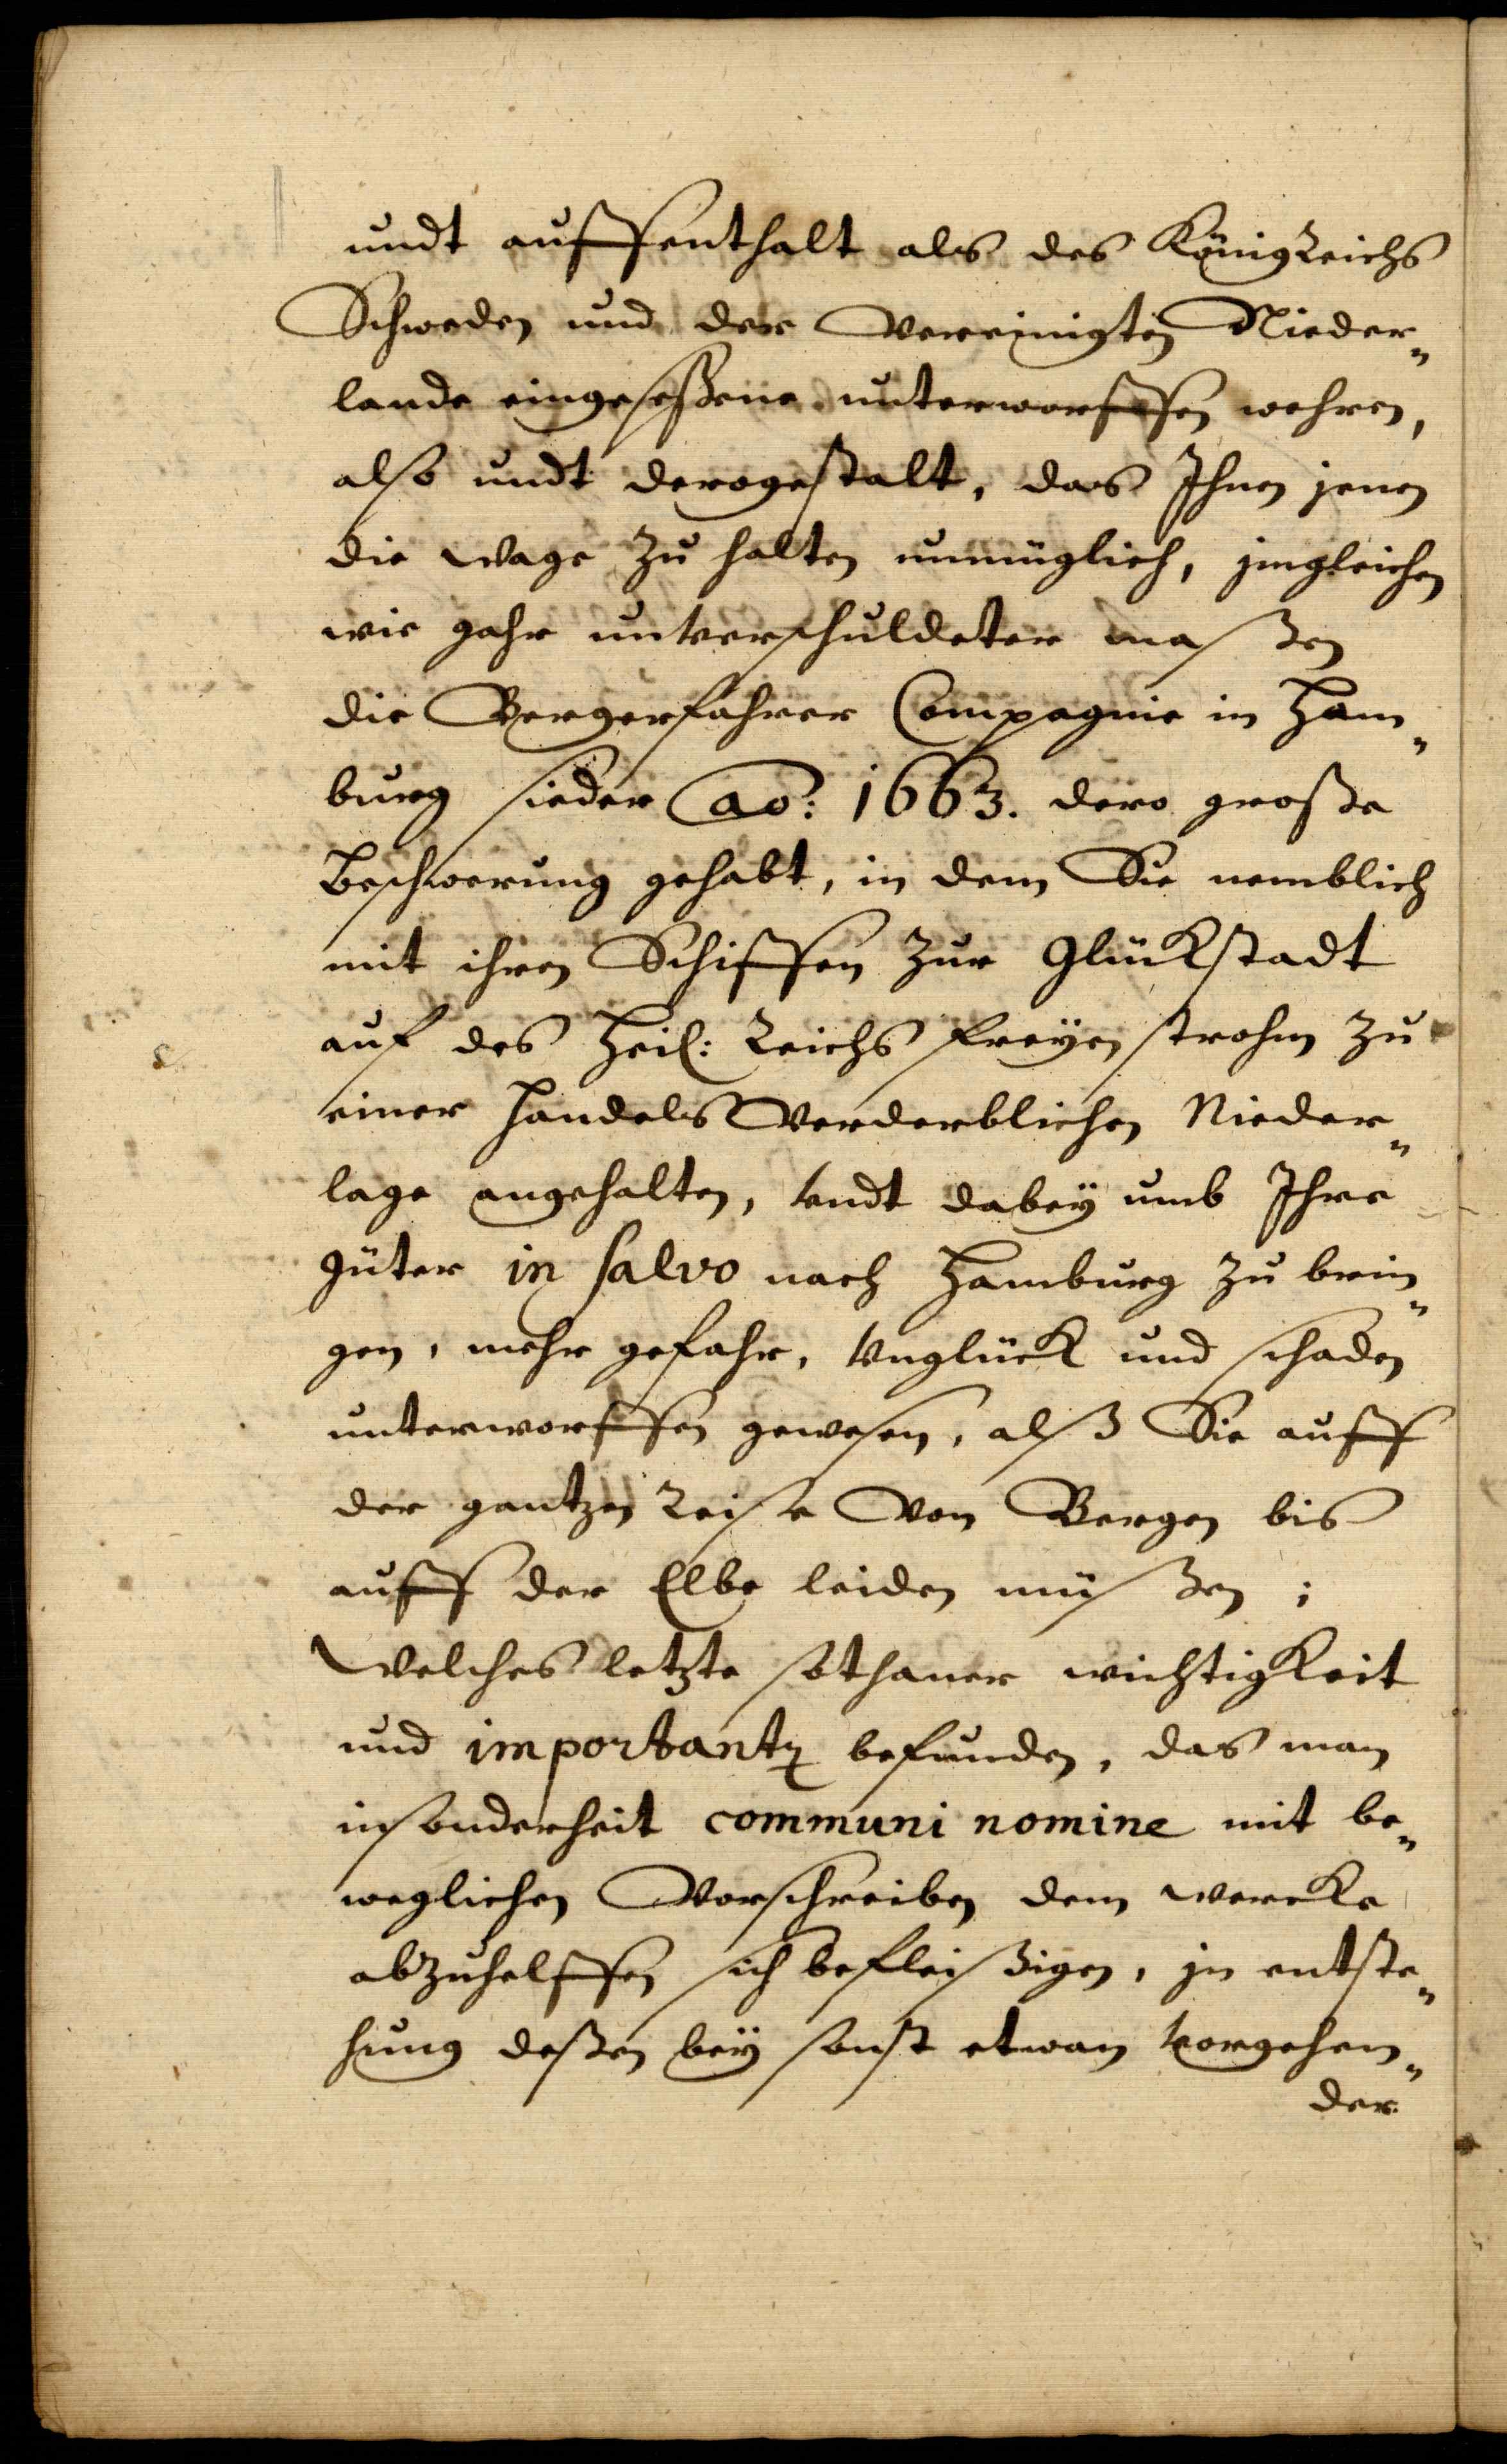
undt auffenthalt als des Königreichs
Schweden und der Vereinigten Nieder¬
lande eingeseßene unterworffen wehren,
also undt derogestalt, das Ihnen jenen
die wage zu halten unmüglich, jmgleichen
wie gahr unverschuldeter maßen
die Bergerfahrer Compagnie in Ham¬
burg sieder anno 1663. dero große
Beschwerung gehabt, in dem Sie nemblich
mit ihren Schiffen zur Glückstadt
auf des Heil: Reichs freijen strohm zu
einer Handels verderblichen Nieder¬
lage angehalten, vndt dabeij umb Ihre
güter in salvo nach Hamburg zu brin¬
gen, mehr gefahr, vnglück und schaden
unterworffen gewesen, alß Sie auff
der gantzen Reise von Bergen bis
auff der Elbe leiden müßen;
Welches letzte sothaner wichtigkeit
und importantz befunden, das man
insonderheit communi nomine mit be¬
weglichen Vorschreiben dem wercke
abzuhelffen sich befleißigen, jn entste¬
hung deßen bey sonst etwan vorgehen¬
der
